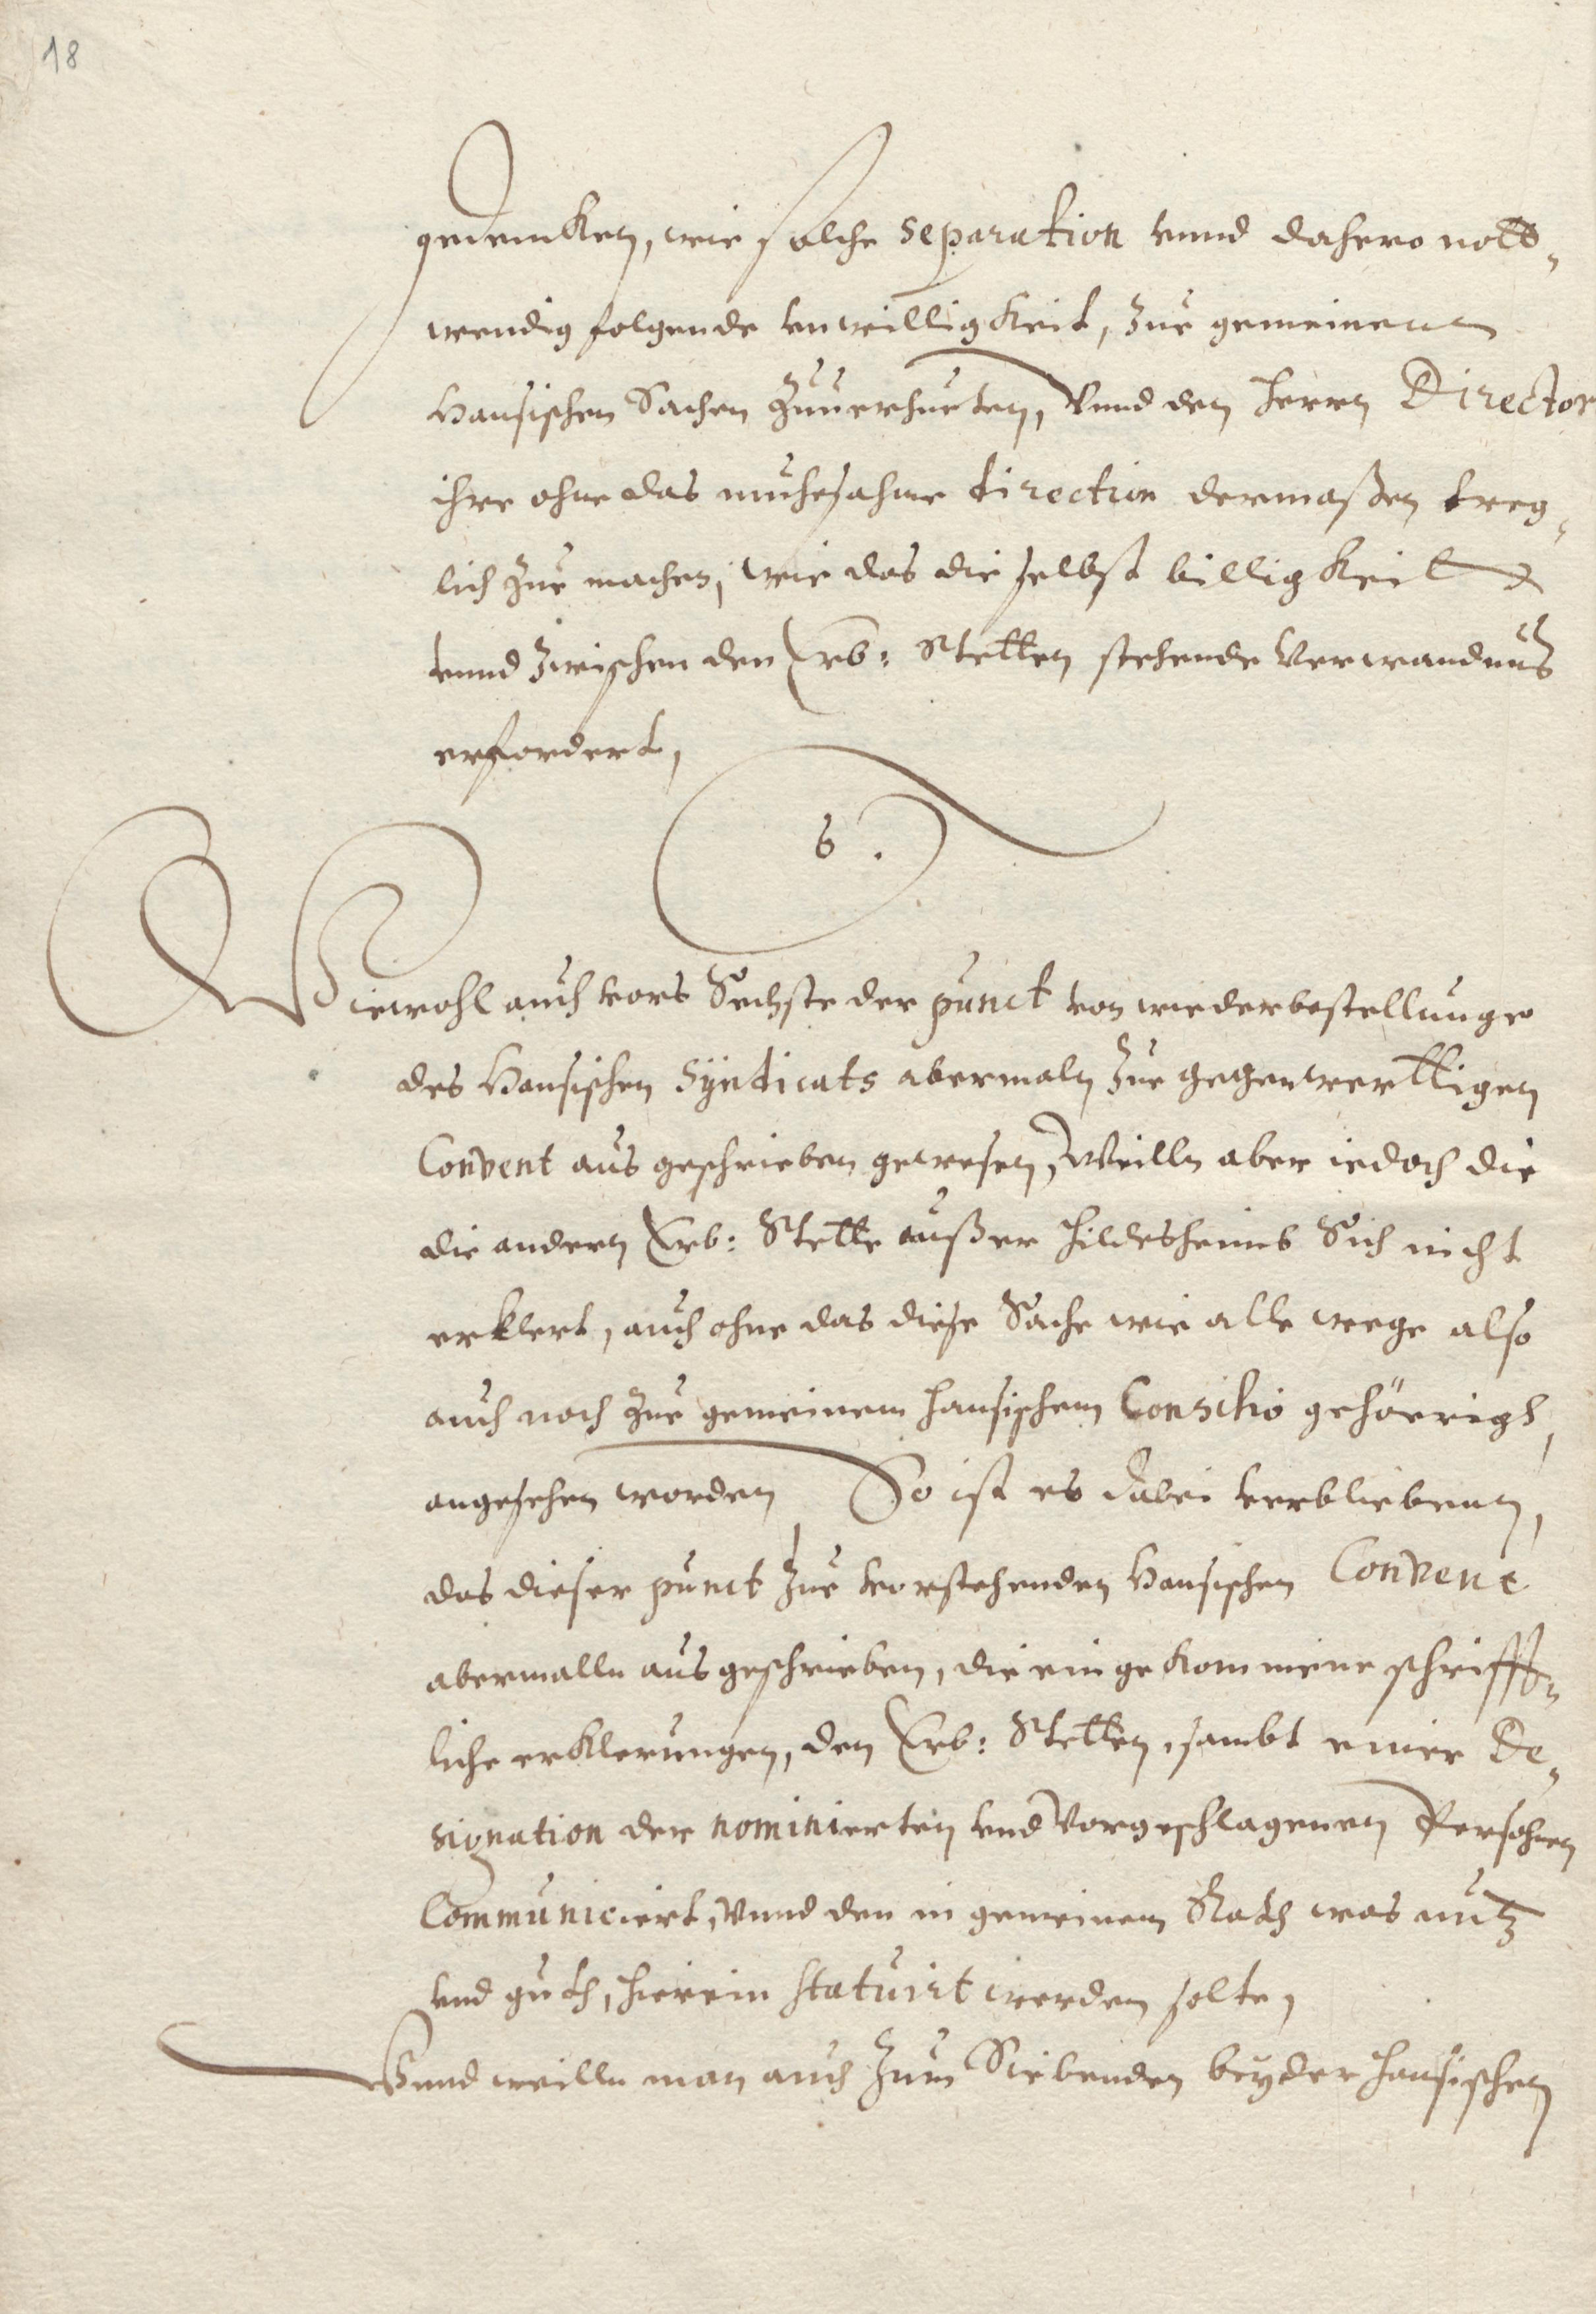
gedencken, wie solche separation und dahero nott¬
wendig folgender vnwilligkeit, zue gemeinsamen
Hansischen Sache zuuerhueten, Vnnd den herrn Director
ihre ohne das muhesahme direction dermaßen treg¬
lich zue machen, wie das die selbst billigkeit
vnnd zwischen den Erb: Stetten stehende Verwandnus
erfordert,
6.
Wiewohl auch vors Sechste der punct von wieder bestellunge
des Hansischen Sijndicats abermaln zue gegenwerttigen
Convent aus geschrieben gewesen, Weilln aber iedoch die
die andern Erb: Stette außer Hildesheims Sich nicht
erklert, auch ohne das diese Sache wie alle wege also
auch noch zue gemeinem Hansischen Consilio gehöerigh,
angesehen worden, So ist es dabei verblieben,
das dieser punct zue vorstehenden Hansischen Convent
abermalln ausgeschrieben, die eingekommene schrifft¬
liche erklerungen, den Erb: Stette sambt einer De¬
signation der nominierten vnd vorgeschlagenen Persohnen
Communiciert, vnnd den in gemeinem Rath was nutz
vnd guth, hierein statuirt werden solte,
Vnnd weilln man auch zum Siebenden beijder hansischen
